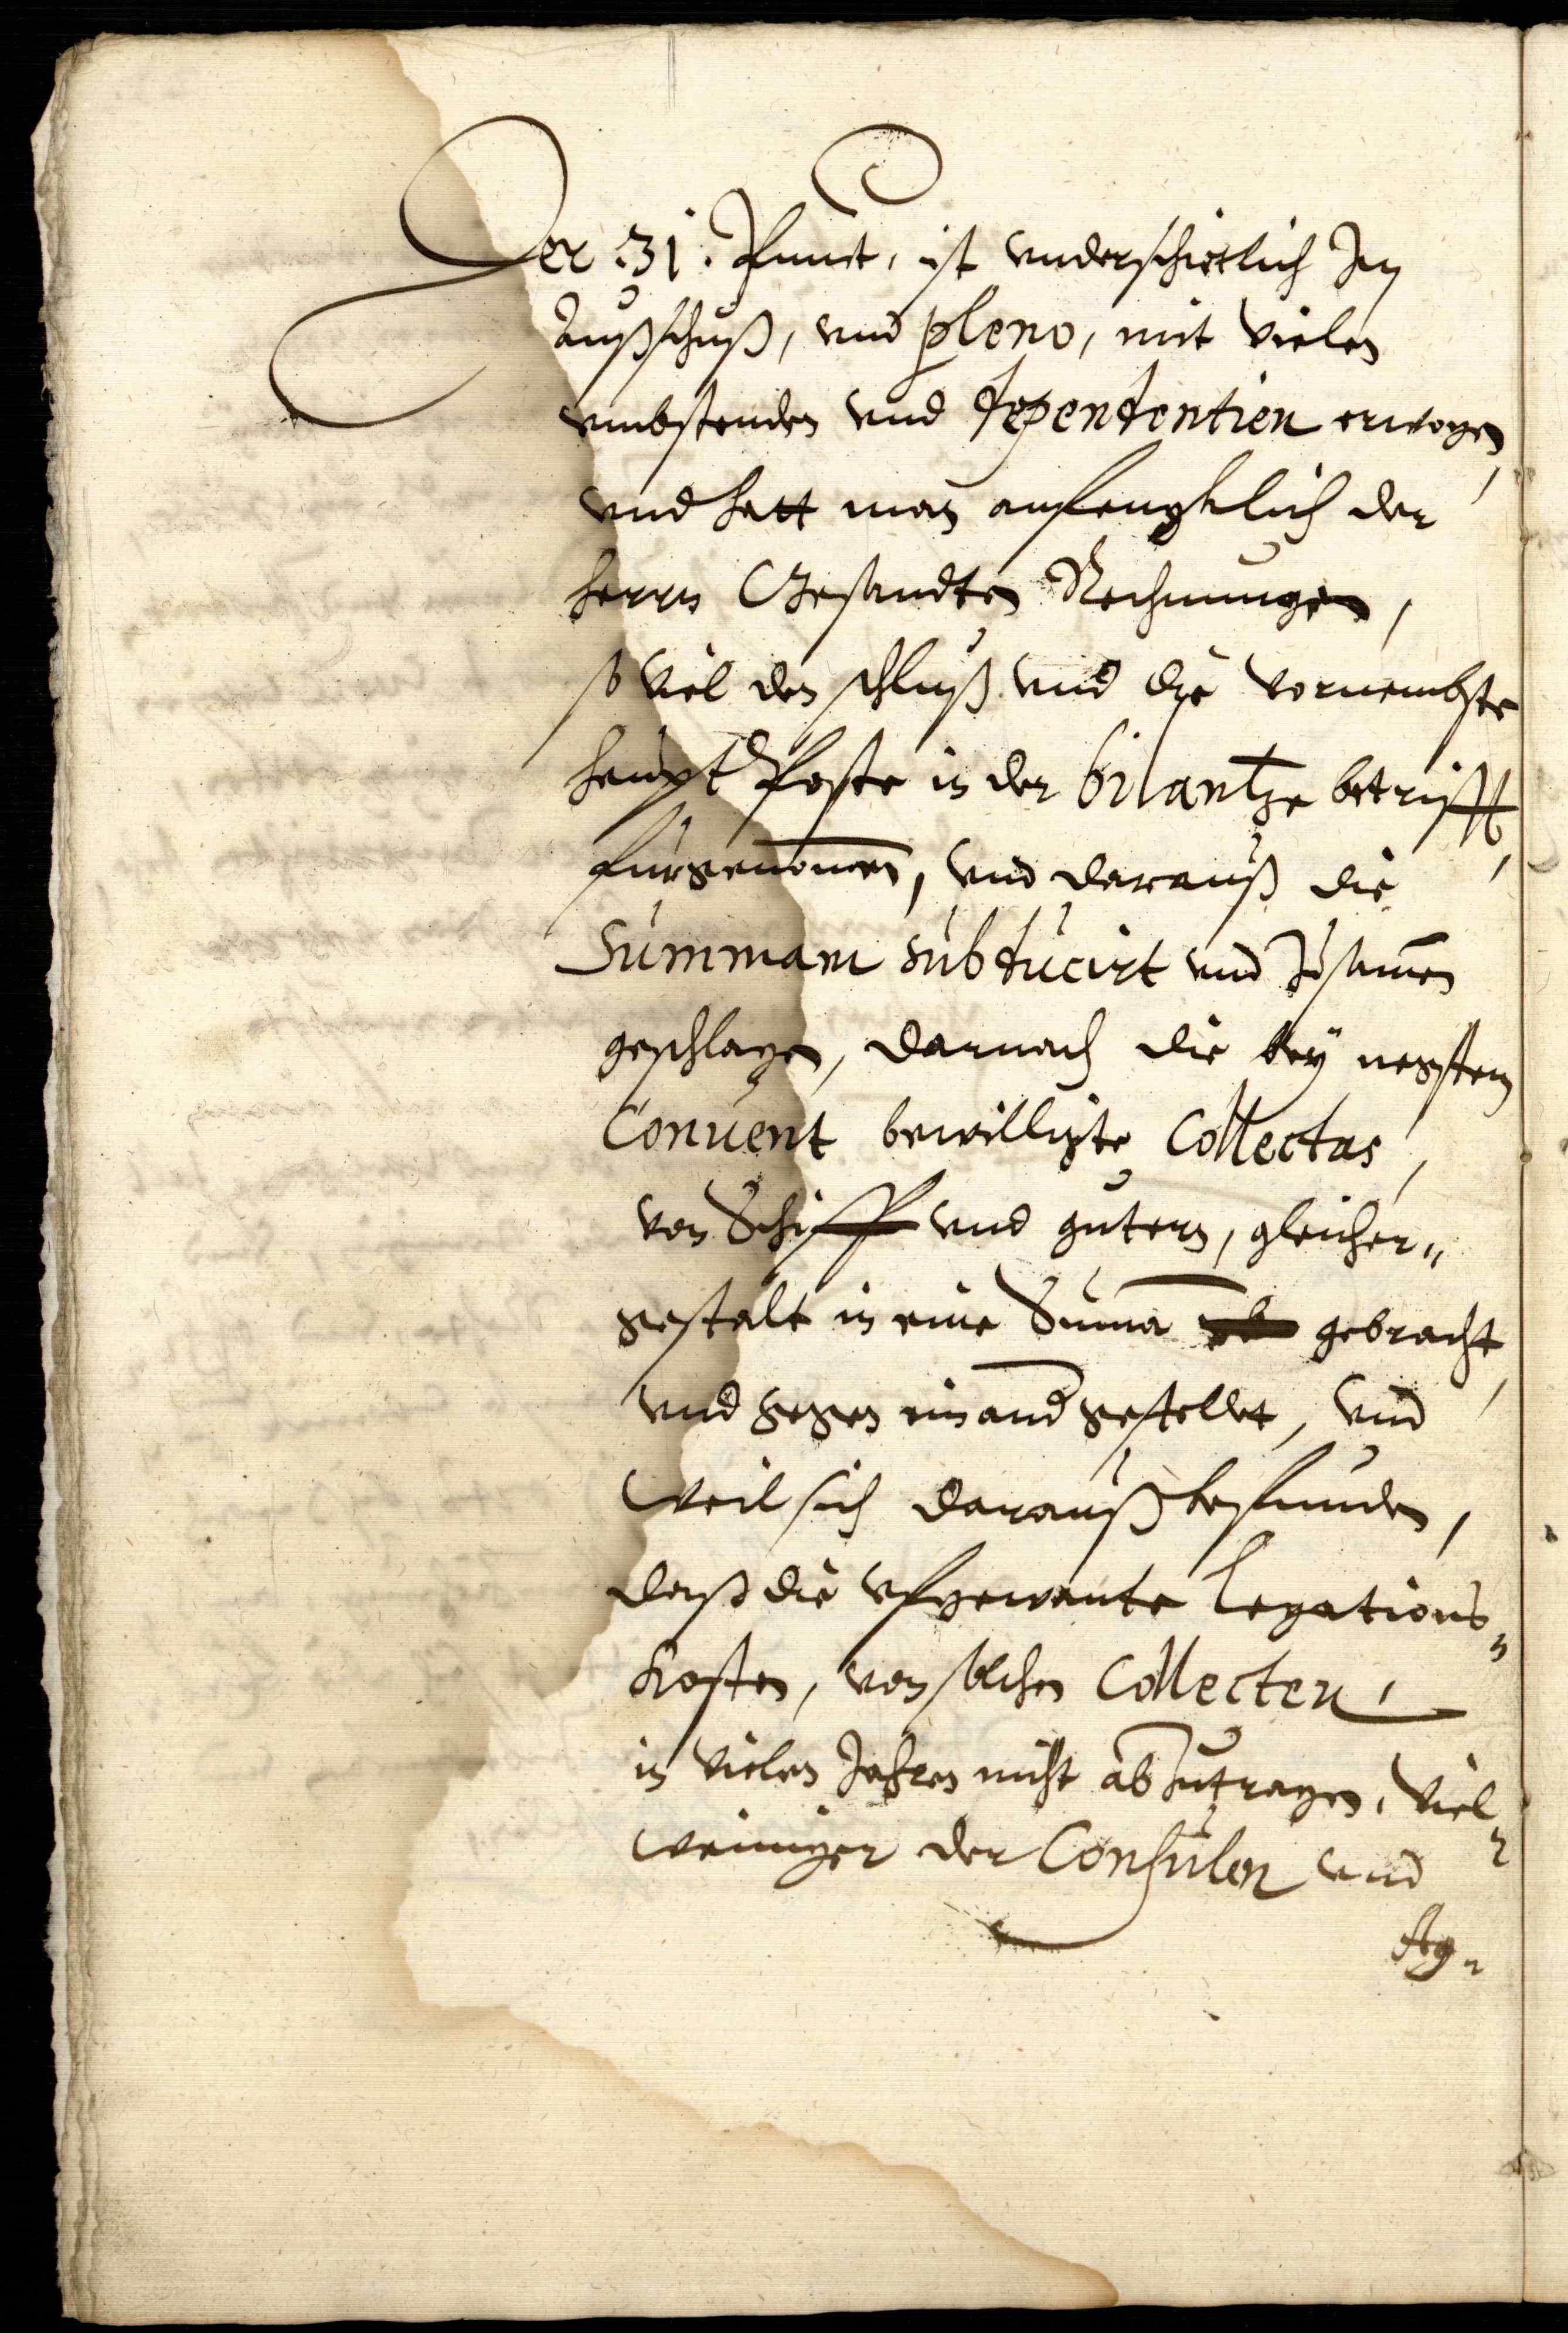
Der 31. Punct, ist vnderschietlich Im
Außschuß, vnd pleno, mit vielen
vmbstenden vnd dependentien erwogen
vndhett man anfengklich den
herrn Gesandten Rechnungen,
so viel den schluß vnd die vornembste
heuptposte in der bilantz betrifft,
furgenommen, vnd darauß die
summam subducirt vnd zusammen
geschlagen, dannach die beij negstem
conuent bewillgte collectas,
von Schiff vnd guten, gleicher¬
gestalt in eine Summa ??? gebracht,
vnd gegen einandergestellet, vnd
weil sich darauß befunden,
daß die vfgewante legations¬
Kosten, von selben collecten
in vielen Jahren nicht abzutragen, viel¬
weiniger der Consulen vnd
Ag¬
